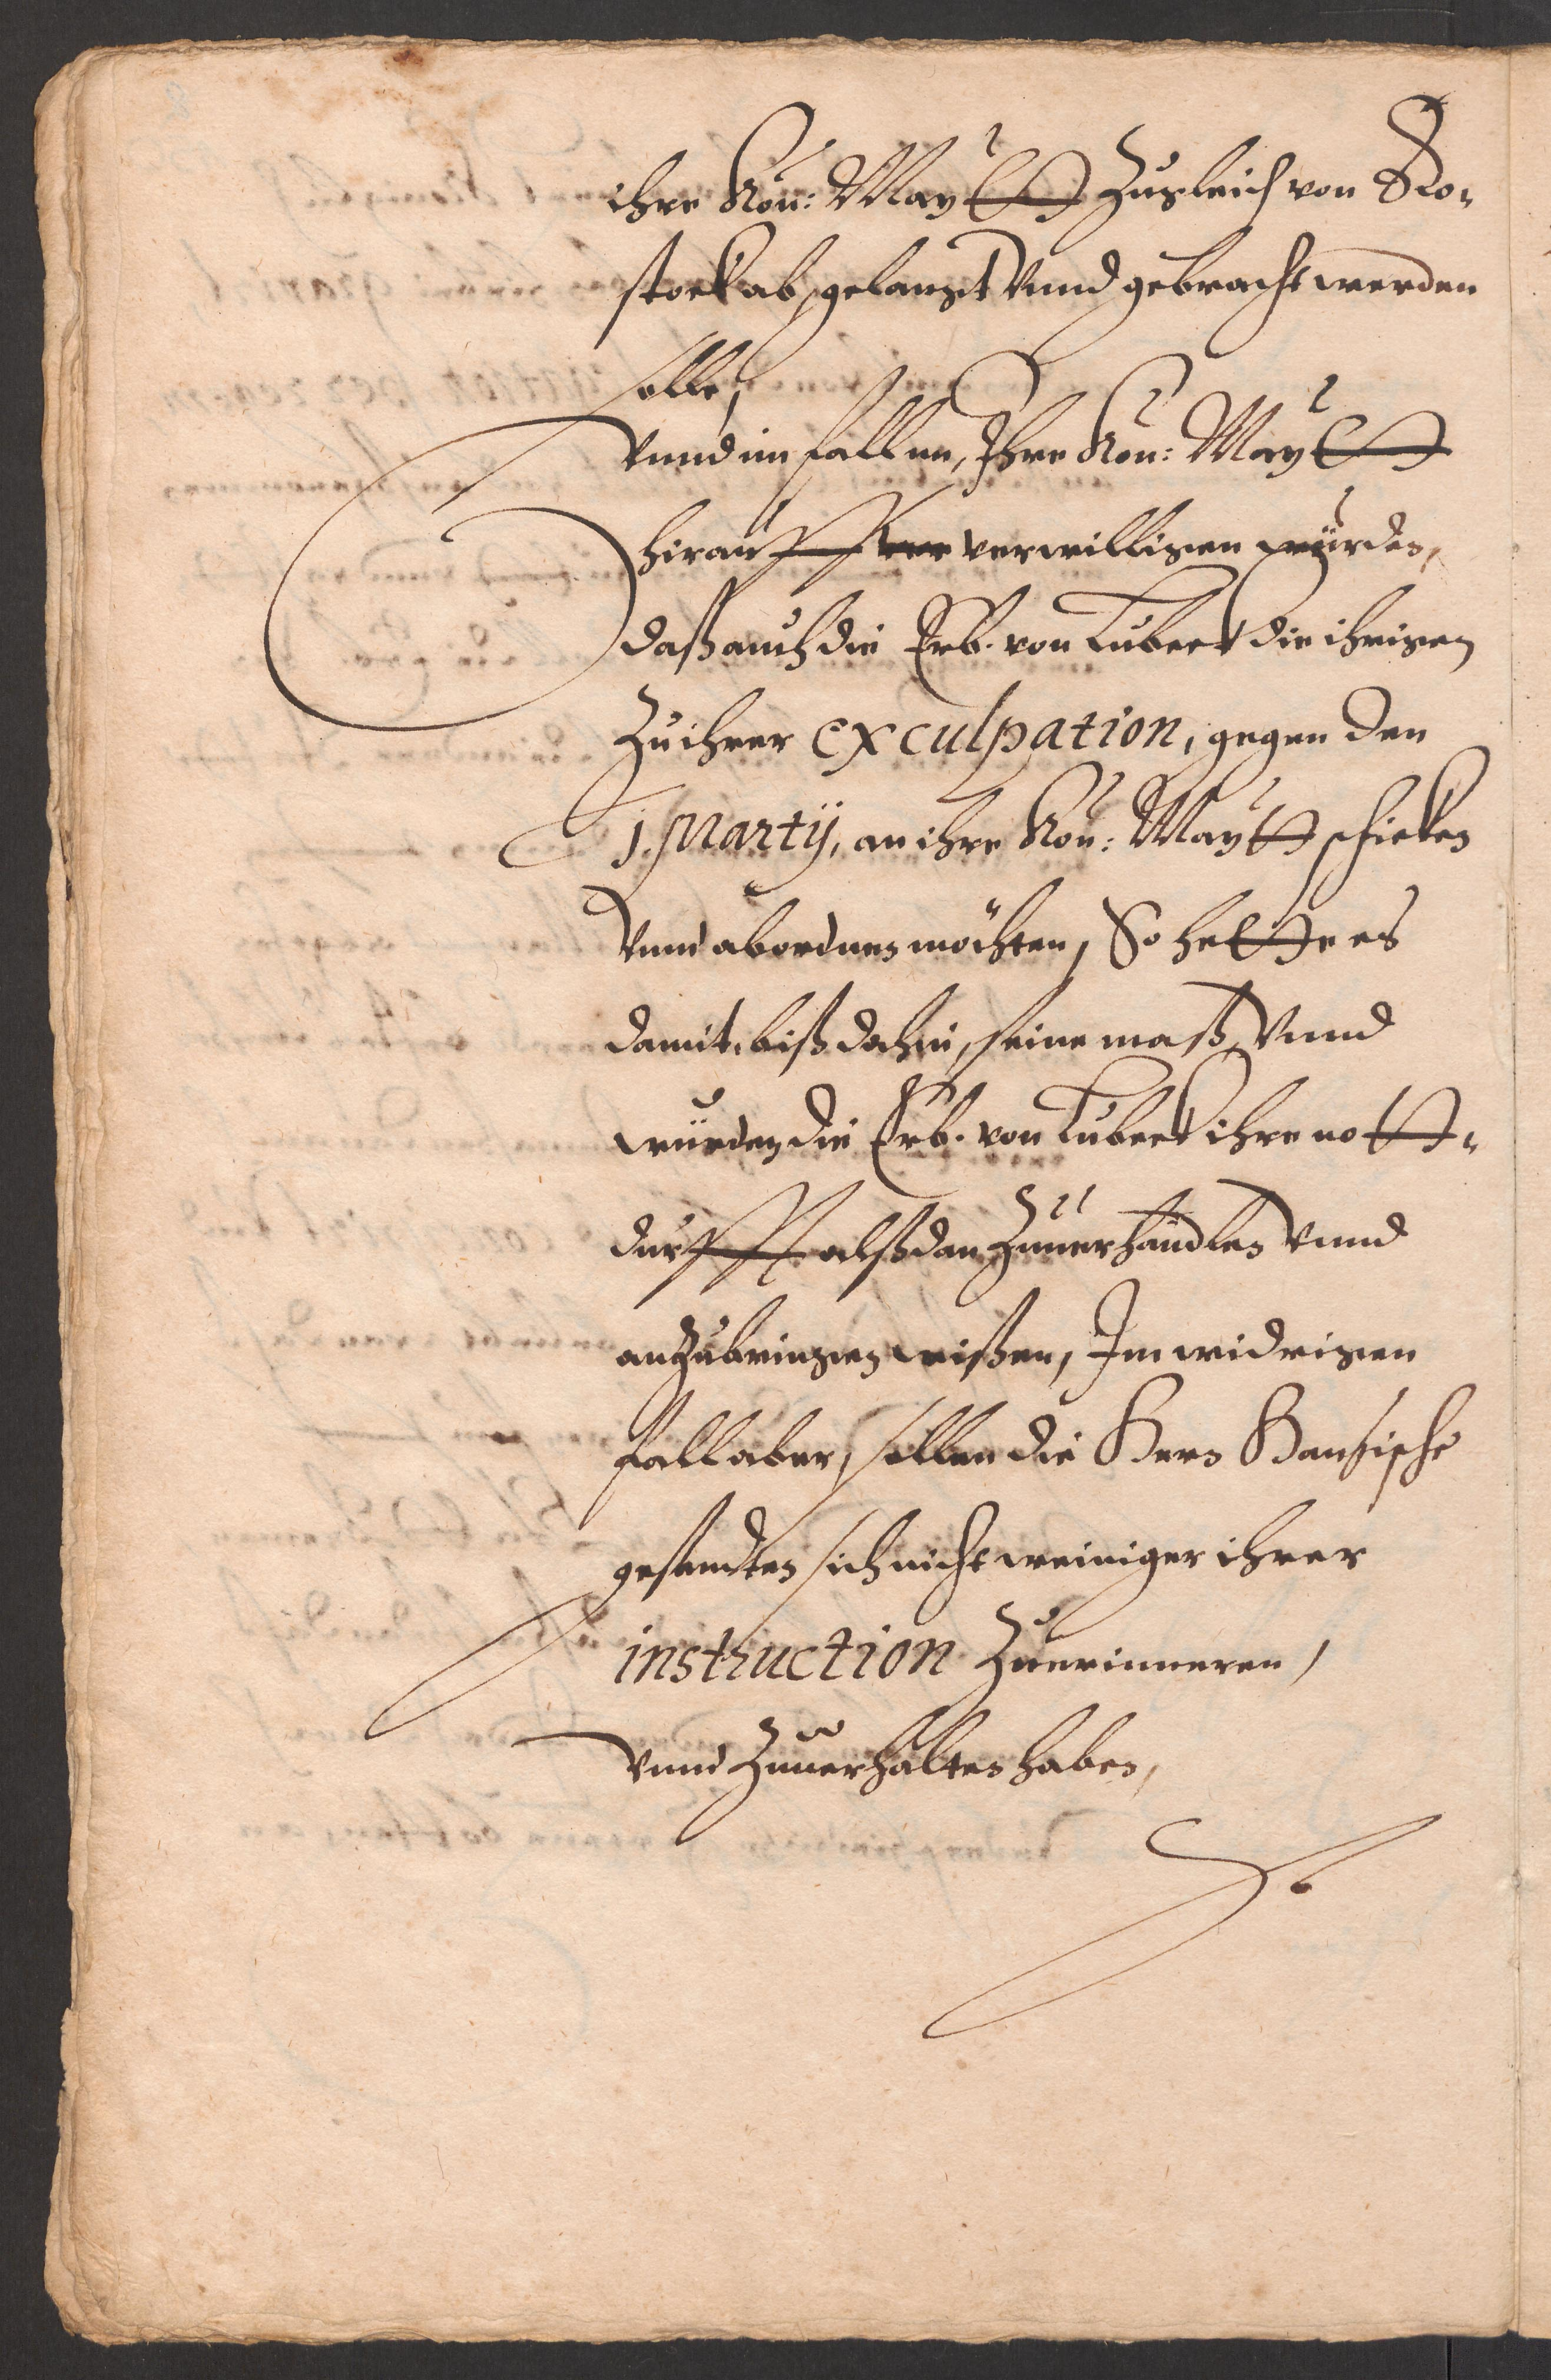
ihre Kon: Maytt zugleich von Ro¬
stock ab, gelangt vnnd gebracht werden
solle,
Vnnd im fallen, ihre Kon: Maytt
hirauff ver verwilligen würden,
daß auch die Erb. von Lubeck die ihrigen
zu ihrer exculpation, gegen den
1. Martij, an ihre Kon: Maytt schicken
vnnd abordnen möchten, So hette es
damit, biß dahin, seine maß, vnnd
würden die Erb. von Lubeck ihre nott¬
durftt alßdan zuuerhändlen vnnd
anzubringen wißen, Im widrigem
fall aber, sollen die Hern Hansische
gesandten sich nicht weiniger ihrer
instruction zuerinneren,
vnnd zuuerhalten haben,
So
